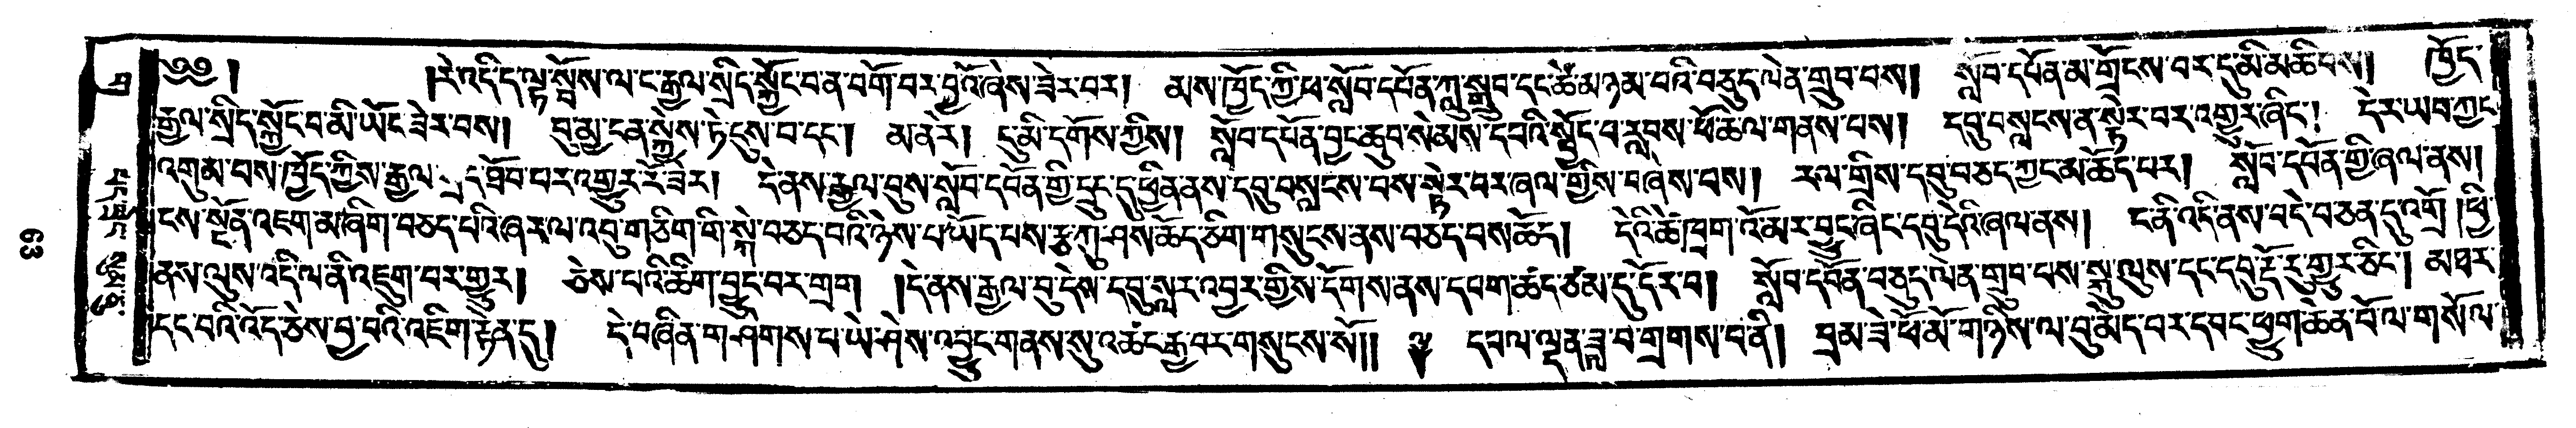༄༅། །རེ་འདི་ད་ལྟ་སྤོས་ལ་ང་རྒྱལ་སྲིད་སྐྱོང་བ་ན་བགོ་བར་བྱའོ་ཞེས་ཟེར་བར། མས་ཁྱོད་ཀྱི་ཕ་སློབ་དཔོན་ཀླུ་སྒྲུབ་དང་ཚེ་མཉམ་པའི་བཅུད་ལེན་གྲུབ་པས། སློབ་དཔོན་མ་གྲོངས་བར་དུ་མི་མཆི་བས། ཁྱོད་
རྒྱལ་སྲིད་སྐྱོང་བ་མི་ཡོང་ཟེར་བས། བུ་མྱ་ངན་སྐྱེས་ཏེ་དུས་བ་དང་། མ་ན་རེ། དུ་མི་དགོས་ཀྱིས། སློབ་དཔོན་བྱང་ཆུབ་སེམས་དཔའི་སྤྱོད་པ་རླབས་ཕོ་ཆེ་ལ་གནས་པས། དབུ་བསླངས་ན་སྟེར་བར་འགྱུར་ཞིང་། དེར་ཡབ་ཀྱང་
འགུམ་པས་ཁྱོད་ཀྱིས་རྒྱལ་སྲིད་ཐོབ་པར་འགྱུར་རོ་ཟེར། དེ་ནས་རྒྱལ་བུས་སློབ་དཔོན་གྱི་དྲུང་དུ་ཕྱིན་ནས་དབུ་བསླངས་པས་སྟེར་བར་ཞལ་གྱིས་བཞེས་པས། རལ་གྲིས་དབུ་བཅད་ཀྱང་མཆོད་པར། སློབ་དཔོན་གྱི་ཞལ་ནས།
ངས་སྔོན་འཇག་མ་ཞིག་བཅད་པའི་ཞར་ལ་འབུ་གཅིག་གི་སྐེ་བཅད་པའི་ཉེས་པ་ཡོད་པས་རྩ་ཀུ་ཤས་ཆོད་ཅིག་གསུངས་ནས་བཅད་པས་ཆོད། དེའི་ཚེ་ཁྲག་འོ་མར་བྱུང་ཞིང་དབུ་དེའི་ཞལ་ནས། ང་ནི་འདི་ནས་བདེ་བ་ཅན་དུ་འགྲོ། ཕྱི་
ནས་ལུས་འདི་ལ་ནི་འཇུག་པར་གྱུར། ཅེས་པའི་ཚིག་བྱུང་བར་གྲག །དེ་ནས་རྒྱལ་བུ་དེས་དབུ་སླར་འབྱར་གྱིས་དོགས་ནས་དཔག་ཚད་ཙམ་དུ་དོར་བ། སློབ་དཔོན་བཅུད་ལེན་གྲུབ་པས་སྐུ་ལུས་དང་དབུ་རྡོ་རུ་གྱུར་ཅིང་། མཐར་
དང་བའི་འོད་ཅེས་བྱ་བའི་འཇིག་རྟེན་དུ། དེ་བཞིན་གཤེགས་པ་ཡེ་ཤེས་འབྱུང་གནས་སུ་འཚང་རྒྱ་བར་གསུངས་སོ།། ༈ དཔལ་ལྡན་ཟླ་བ་གྲགས་པ་ནི། བྲམ་ཟེ་ཕོ་མོ་གཉིས་ལ་བུ་མེད་པར་དབང་ཕྱུག་ཆེན་པོ་ལ་གསོལ་